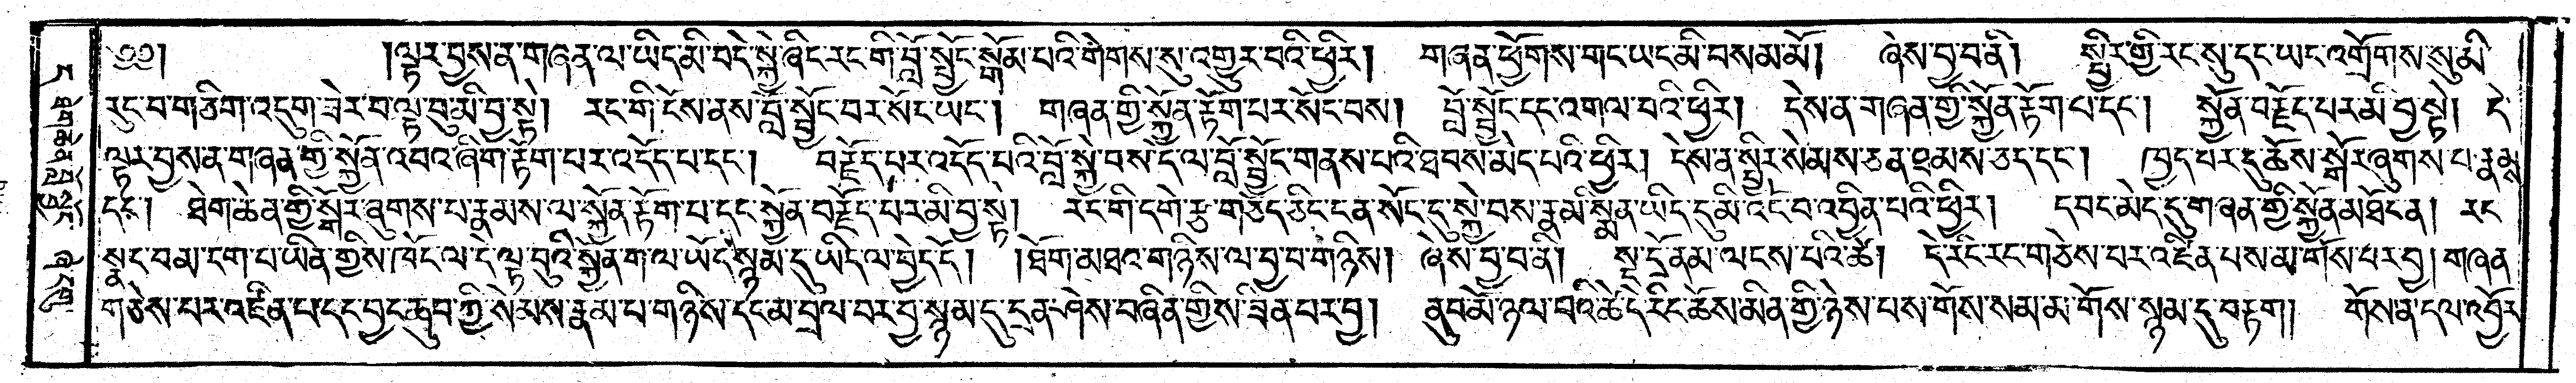༄༅། །ལྟར་བྱས་ན་གཞན་ལ་ཡིད་མི་བདེ་སྐྱེ་ཞིང་རང་གི་བློ་སྦྱོང་སྒོམ་པའི་གེགས་སུ་འགྱུར་བའི་ཕྱིར། གཞན་ཕྱོགས་གང་ཡང་མི་བསམ་མོ། ཞེས་བྱ་བ་ནི། སྤྱིར་གྱི་རང་སུ་དང་ཡང་འགྲོགས་སུ་མི་
རུང་བ་གཅིག་འདུག་ཟེར་བ་ལྟ་བུ་མི་བྱ་སྟེ། རང་གི་ངོས་ནས་བློ་སྦྱོང་བར་སོང་ཡང་། གཞན་གྱི་སྐྱོན་རྟོག་པར་སོང་བས། བློ་སྦྱོང་དང་འགལ་བའི་ཕྱིར། དེས་ན་གཞན་གྱི་སྐྱོན་རྟོག་པ་དང་། སྐྱོན་བརྗོད་པར་མི་བྱ་སྟེ། དེ་
ལྟར་བྱས་ན་གཞན་གྱི་སྐྱོན་འབའ་ཞིག་རྟོག་པར་འདོད་པ་དང་། བརྗོད་པར་འདོད་པའི་བློ་སྐྱེ་བས་དེ་ལ་བློ་སྦྱོང་གནས་པའི་ཐབས་མེད་པའི་ཕྱིར། དེས་ན་སྤྱིར་སེམས་ཅན་ཐམས་ཅད་དང་། ཁྱད་པར་དུ་ཆོས་སྒོར་ཞུགས་པ་རྣམས་
དང་། ཐེག་ཆེན་གྱི་སྒོར་ཞུགས་པ་རྣམས་ལ་སྐྱོན་རྟོག་པ་དང་སྐྱོན་བརྗོད་པར་མི་བྱ་སྟེ། རང་གི་དགེ་རྩ་གཅོད་ཅིང་ངན་སོང་དུ་སྐྱེ་བས་རྣམ་སྨིན་ཡིད་དུ་མི་འོང་བ་འབྱིན་པའི་ཕྱིར། དབང་མེད་དུ་གཞན་གྱི་སྐྱོན་མཐོང་ན། རང་
སྣང་བ་མ་ངག་པ་ཡིན་གྱིས་ཁོང་ལ་དེ་ལྟ་བུའི་སྐྱོན་ག་ལ་ཡོད་སྙམ་དུ་ཡིད་ལ་བྱེད་དོ། །ཐོག་མཐའ་གཉིས་ལ་བྱ་བ་གཉིས། ཞེས་བྱ་བ་ནི། སྔ་དྲོ་ནམ་ལངས་པའི་ཚེ། དེ་རིང་རང་གཅེས་པར་འཛིན་པས་མ་གོས་པར་བྱ། གཞན་
གཅེས་པར་འཛིན་པ་དང་བྱང་ཆུབ་ཀྱི་སེམས་རྣམ་པ་གཉིས་དང་མ་བྲལ་བར་བྱ་སྙམ་དུ་དྲན་ཤེས་བཞིན་གྱིས་ཟིན་པར་བྱ། ནུབ་མོ་ཉལ་བའི་ཚེ་དེ་རིང་ཆོས་མིན་གྱི་ཉེས་པས་གོས་སམ་མ་གོས་སྙམ་དུ་བརྟག། གོས་ན་དལ་འབྱོར་